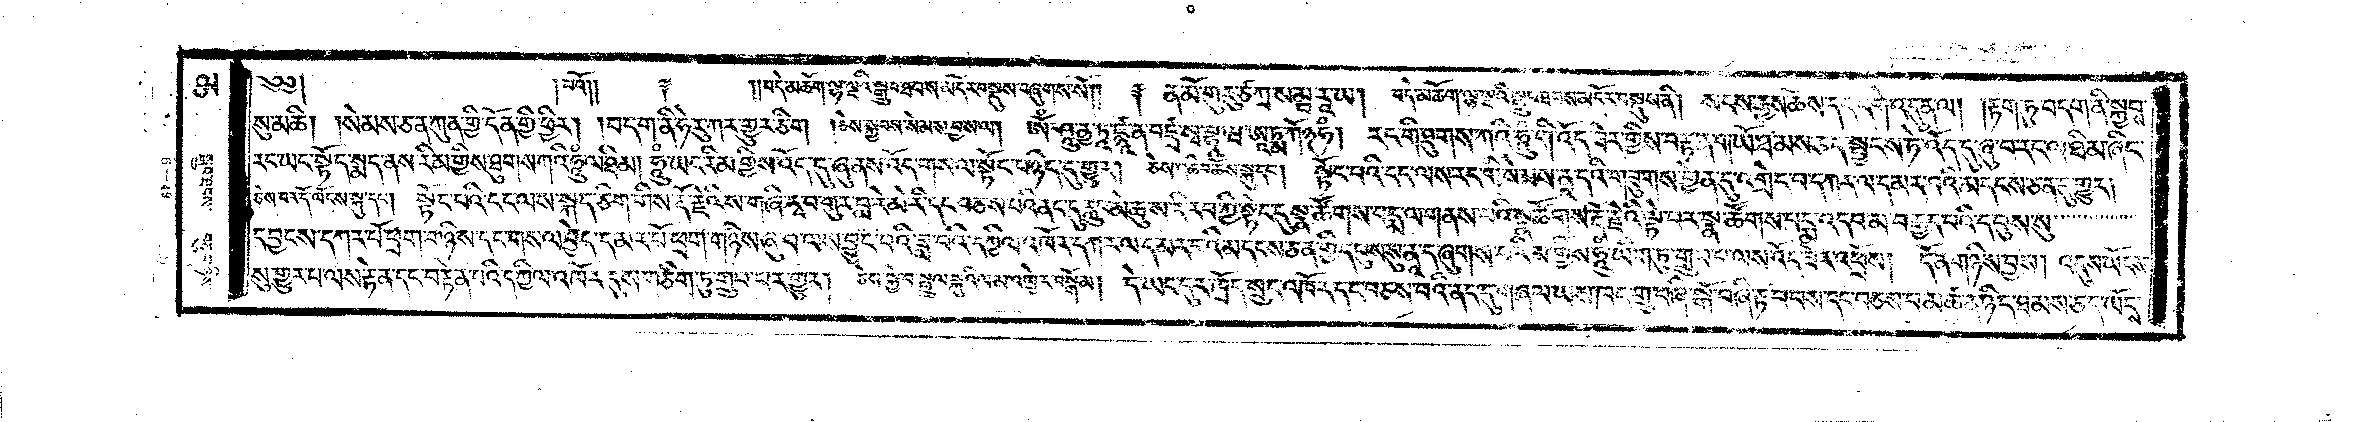༄༅་།པའོ།། ༈ །།བདེ་མཆོག་ལྷ་ལྔའི་སྒྲུབ་ཐབས་མདོར་བསྡུས་བཞུགས་སོ།། ༈ ན་མོ་གུ་རུ་ཙ་ཀྲ་སམྦ་རཱ་ཡ། བདེ་མཆོག་ལྷ་ལྔའི་སྒྲུབ་ཐབས་མདོར་བསྡུས་ནི།  སངས་རྒྱས་ཆོས་དང་དགེ་འདུན་ལ། །རྟག་ཏུ་བདག་ནི་སྐྱབས་
སུ་མཆི། །སེམས་ཅན་ཀུན་གྱི་དོན་གྱི་ཕྱིར། །བདག་ནི་ཧེ་རུ་ཀར་གྱུར་ཅིག་།ཅེས་སྐྱབས་སེམས་བྱས་ལ།  ཨོཾ་ཤཱུ་ནྱ་ཏཱ་ཛྙཱ་ན་བཛྲ་སྭ་བྷཱ་ཝ་ཨཱཏྨ་ཀོཉཧཾ། རང་གི་ཐུགས་ཀའི་ཧཱུཾ་གི་འོད་ཟེར་གྱིས་བརྟན་གཡོ་ཐམས་ཅད་སྦྱངས་ཏེ་འོད་དུ་ཞུ་བ་རང་ལ་ཐིམ་ཞིང་
རང་ཡང་སྟོད་སྨད་ནས་རིམ་གྱིས་ཐུགས་ཀའི་ཧཱུཾ་ལ་ཐིམ། ཧཱུཾ་ཡང་རིམ་གྱིས་འོད་དུ་ཞུ་ནས་འོད་གསལ་སྟོང་པ་ཉིད་དུ་གྱུར། ཅེས་འཆི་བ་ཆོས་སྐུ་དང་།  སྟོང་པའི་ངང་ལས་རང་གི་སེམས་ནཱ་དའི་གཟུགས་གྱེན་དུ་འགྲེང་བ་དཀར་ལ་དམར་བའི་མདངས་ཅན་དུ་གྱུར།
ཅེས་བར་དོ་ལོངས་སྐུ་དང་།  སྟོང་པའི་ངང་ལས་སྐད་ཅིག་གིས་རྡོ་རྗེའི་ས་གཞི་རྭ་བ་གུར་བླ་རེ་མེ་རི་དང་བཅས་པའི་ནང་དུ་རླུང་མེ་ཆུ་ས་རི་རབ་ཀྱི་སྟེང་དུ་སྣ་ཚོགས་པདམ་ལ་གནས་པའི་སྣ་ཚོགས་རྡོ་རྗེའི་ལྟེ་བར་སྣ་ཚོགས་པདམ་འདབ་མ་བརྒྱད་པའི་དབུས་སུ་
དབྱངས་དཀར་པོ་ཕྲག་གཉིས་དང་གསལ་བྱེད་དམར་པོ་ཕྲག་གཉིས་ཞུ་བ་ལས་བྱུང་བའི་ཟླ་བའི་དཀྱིལ་འཁོར་དཀར་ལ་དམར་བའི་མདངས་ཅན་གྱི་དབུས་སུ་ནཱ་ད་ཞུགས་པ་རིམ་གྱིས་ཧཱུཾ་ཡིག་ཏུ་གྲུབ་པ་ལས་འོད་ཟེར་འཕྲོས། དོན་གཉིས་བྱས། འདུས་ཡོངས་
སུ་གྱུར་པ་ལས་རྟེན་དང་བརྟེན་པའི་དཀྱིལ་འཁོར་དུས་གཅིག་ཏུ་གྲུབ་པར་གྱུར། ཅེས་སྐྱེ་བ་སྤྲུལ་སྐུའི་ལམ་འཁྱེར་བསྒོམ།  དེ་ཡང་དུར་ཁྲོད་སྲུང་འཁོར་དང་བཅས་པའི་ནང་དུ་གཞལ་ཡས་ཁང་གྲུ་བཞི་སྒོ་བཞི་རྟ་བབས་དང་བཅས་པ་མཚན་ཉིད་ཐམས་ཅད་ཡོངས་